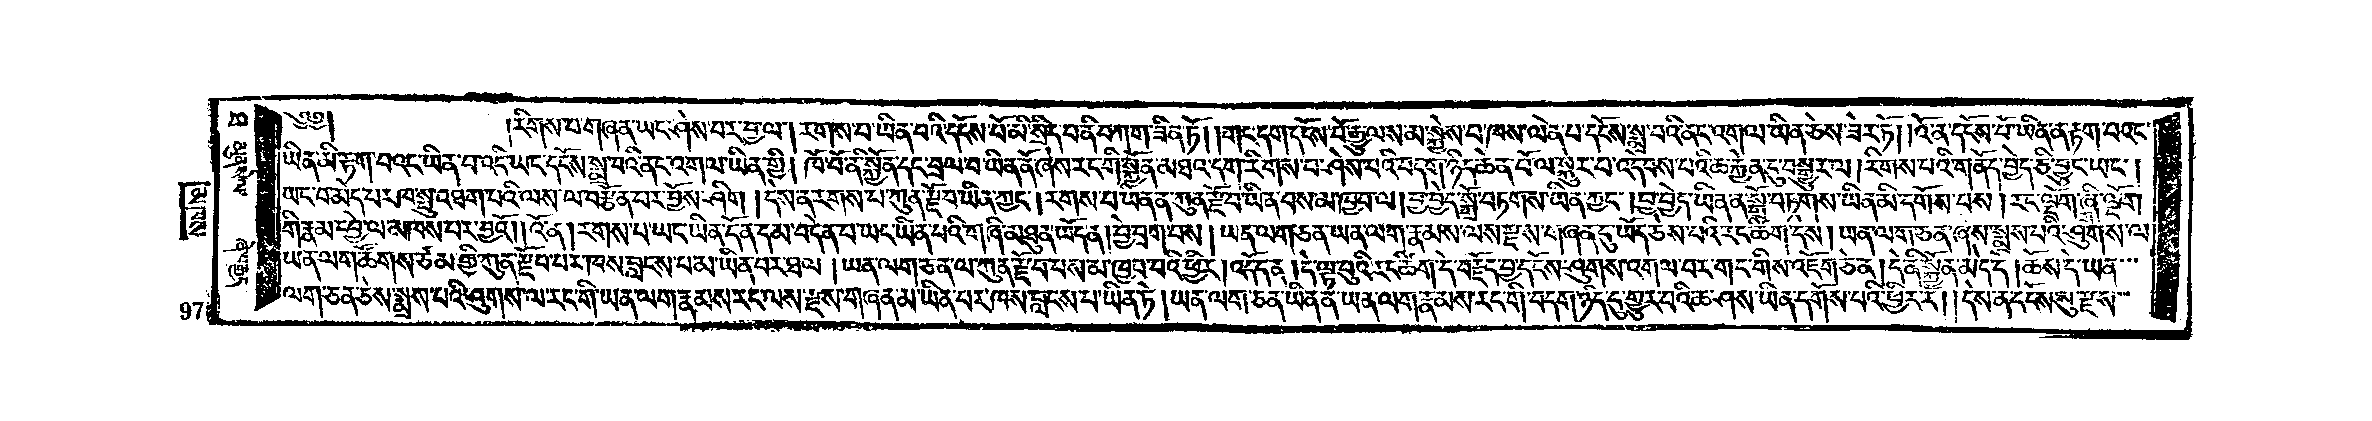༄༅། །རིགས་པ་གཞན་ཡང་ཤེས་པར་བྱ་ལ། རགས་པ་ཡིན་པའི་དངོས་པོ་མི་སྲིད་པ་ནི་བཀག་ཟིན་ཏོ། །གང་དག་དངོས་པོ་རྒྱུ་ལས་མ་སྐྱེས་པ་ཁས་ལེན་པ་དངོས་སྨྲ་བའི་ནང་འགལ་ཡིན་ཅེས་ཟེར་ཏོ། །འོ་ན་དངོས་པོ་ཡིན་ན་རྟག་པའང་ཡིན་མི་རྟག་པའང་
ཡིན་པ་འདི་ཡང་དངོས་སྨྲ་བའི་ནང་འགལ་ཡིན་གྱི། ཁོ་བོ་ནི་སྐྱོན་དང་བྲལ་བ་ཡིན་ནོ་ཞེས་རང་གི་སྐྱོན་མཐའ་དག་རིགས་པ་ཤེས་པའི་བདག་ཉིད་ཆེན་པོ་ལ་སྐུར་བ་འདེབས་པའི་ཆ་རྐྱེན་དུ་བསྒྱུར་ལ། རིགས་པའི་གནོད་བྱེད་ཅི་བྱུང་ཡང་།
ཡང་བ་མེད་པར་ཁ་སྤུ་འཐེག་པའི་ལས་ལ་བརྩོན་པར་བྱོས་ཤིག །དེས་ན་རགས་པ་ཀུན་རྫོབ་ཡིན་ཀྱང་། རགས་པ་ཡིན་ན་ཀུན་རྫོབ་ཡིན་པས་མ་ཁྱབ་ལ། བྱ་བྱེད་སྒྲོ་བཏགས་ཡིན་ཀྱང་། བྱ་བྱེད་ཡིན་ན་སྒྲོ་བཏགས་ཡིན་མི་དགོས་པས། རང་ལྡོག་གཞི་ལྡོག་
གི་རྣམ་དབྱེ་ལ་མཁས་པར་བྱའོ། །འོ་ན། རགས་པ་ཡང་ཡིན་དོན་དམ་བདེན་པ་ཡང་ཡིན་པའི་གཞི་མཐུན་ཡོད་ན། བྱེ་བྲག་པས། ཡན་ལག་ཅན་ཡན་ལག་རྣམས་ལས་རྫས་གཞན་དུ་ཡོད་ཅེས་པའི་རང་ཚིག་དེས། ཡན་ལག་ཅན་ཞེས་སྨྲས་པའི་ཤུགས་ལ་
ཡན་ལག་ཚོགས་ཙམ་གྱི་ཀུན་རྫོབ་པར་ཁས་བླངས་པ་མ་ཡིན་པར་ཐལ། ཡན་ལག་ཅན་ལ་ཀུན་རྫོབ་པས་མ་ཁྱབ་པའི་ཕྱིར། འདོད་ན། དེ་ལྟ་བུའི་རང་ཚིག་དེ་བརྗོད་བྱ་དངོས་ཤུགས་འགལ་བར་གང་གིས་འཇོག་ཅེ་ན། དེ་ནི་སྐྱོན་མེད་དེ། ཆོས་དེ་ཡན་
ལག་ཅན་ཅེས་སྨྲས་པའི་ཤུགས་ལ་རང་གི་ཡན་ལག་རྣམས་རང་ལས་རྫས་གཞན་མ་ཡིན་པར་ཁས་བླངས་པ་ཡིན་ཏེ། ཡན་ལག་ཅན་ཡིན་ན་ཡན་ལག་རྣམས་རང་གི་བདག་ཉིད་དུ་གྱུར་བའི་ཆ་ཤས་ཡིན་དགོས་པའི་ཕྱིར་རོ། །དེས་ན་དངོས་སུ་རྫས་